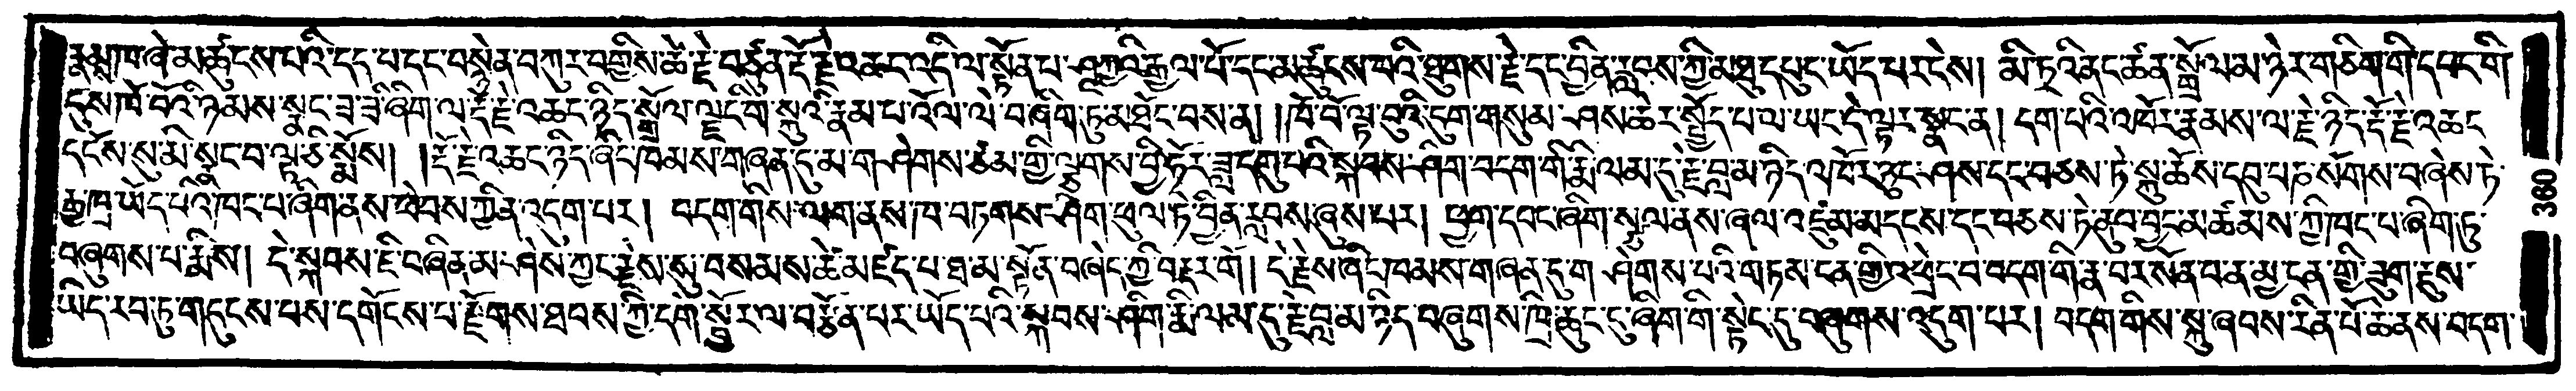རྣམས་ཁ་ཞེ་མཚུངས་པའི་དད་པ་དང་བསྙེན་བཀུར་བགྱིས་ཚེ་རྗེ་བཙུན་རྡོ་རྗེ་འཆང་འདི་ལ་སྟོན་པ་ཤཱཀྱའི་རྒྱལ་པོ་དང་མཚུངས་པའི་ཐུགས་རྗེ་དང་བྱིན་རླབས་ཀྱི་མཐུ་དཔུང་ཡོད་པར་ངེས། མི་ཏྲའི་ནང་ཚན་སྒྲོལ་མ་ཉེར་གཅིག་གི་དབང་གི་
དུས་ཁོ་བོའི་ཉམས་སྣང་ཟ་ཟི་ཞིག་ལ་རྡོ་རྗེ་འཆང་ཉིད་སྒྲོལ་ལྗང་གི་སྐུའི་རྣམ་པ་འོལ་ལེ་བ་ཞིག་ཏུ་མཐོང་བས་ན། །ཁོ་བོ་ལྟ་བུའི་དུག་གསུམ་ཤས་ཆེར་སྤྱོད་པ་ལ་ཡང་དེ་ལྟར་སྣང་ན། དག་པའི་འཁོར་རྣམས་ལ་རྗེ་ཉིད་རྡོ་རྗེ་འཆང་
དངོས་སུ་མི་སྣང་བ་ལྟ་ཅི་སྨོས། །རྡོ་རྗེ་འཆང་ཉིད་ཞིང་ཁམས་གཞན་དུ་མ་གཤེགས་ཙམ་གྱི་ལྕགས་བྱི་ཧོར་ཟླ་དགུ་པའི་སྐབས་ཤིག་བདག་གི་རྨི་ལམ་དུ་རྗེ་བླ་མ་ཉིད་འཁོར་ཉུང་ཤས་དང་བཅས་ཏེ་སྐུ་ཆོས་དབུ་པཎ་སོགས་བཞེས་ཏེ་
རྒྱ་ཁྲ་ཡོད་པའི་ཁང་པ་ཞིག་ནས་ཕེབས་ཀྱིན་འདུག་པར། བདག་གིས་ལག་ནས་ཁ་བཏགས་ཤིག་ཕུལ་ཏེ་བྱིན་རླབས་ཞུས་པར། ཕྱག་དབང་ཞིག་སྩལ་ནས་ཞལ་འཛུམ་མདངས་དང་བཅས་ཏེ་ནུབ་བྱང་མཚམས་ཀྱི་ཁང་པ་ཞིག་ཏུ་
བཞུགས་པ་རྨིས། དེ་སྐབས་ཇི་བཞིན་མ་ཤེས་ཀྱང་རྗེས་སུ་བསམས་ཚེ་མཛད་པ་ཐ་མ་སྟོན་བཞེད་ཀྱི་བརྡར་གོ །དེ་རྗེས་ཞིང་ཁམས་གཞན་དུ་གཤེགས་པའི་གཏམ་ངན་གྱི་འཕྲེང་བ་བདག་གི་རྣ་བར་སོན་པ་ན་མྱ་ངན་གྱི་ཟུག་རྔུས་
ཡིད་རབ་ཏུ་གདུངས་པས་དགོངས་པ་རྫོགས་ཐབས་ཀྱི་དགེ་སྦྱོར་ལ་བརྩོན་པར་ཡོད་པའི་སྐབས་ཤིག་རྨི་ལམ་དུ་རྗེ་བླ་མ་ཉིད་བཞུགས་ཁྲི་ཆུང་ངུ་ཞིག་གི་སྟེང་དུ་བཞུགས་འདུག་པར། བདག་གིས་སྐུ་ཞབས་རིན་པོ་ཆེ་ནས་བདག་